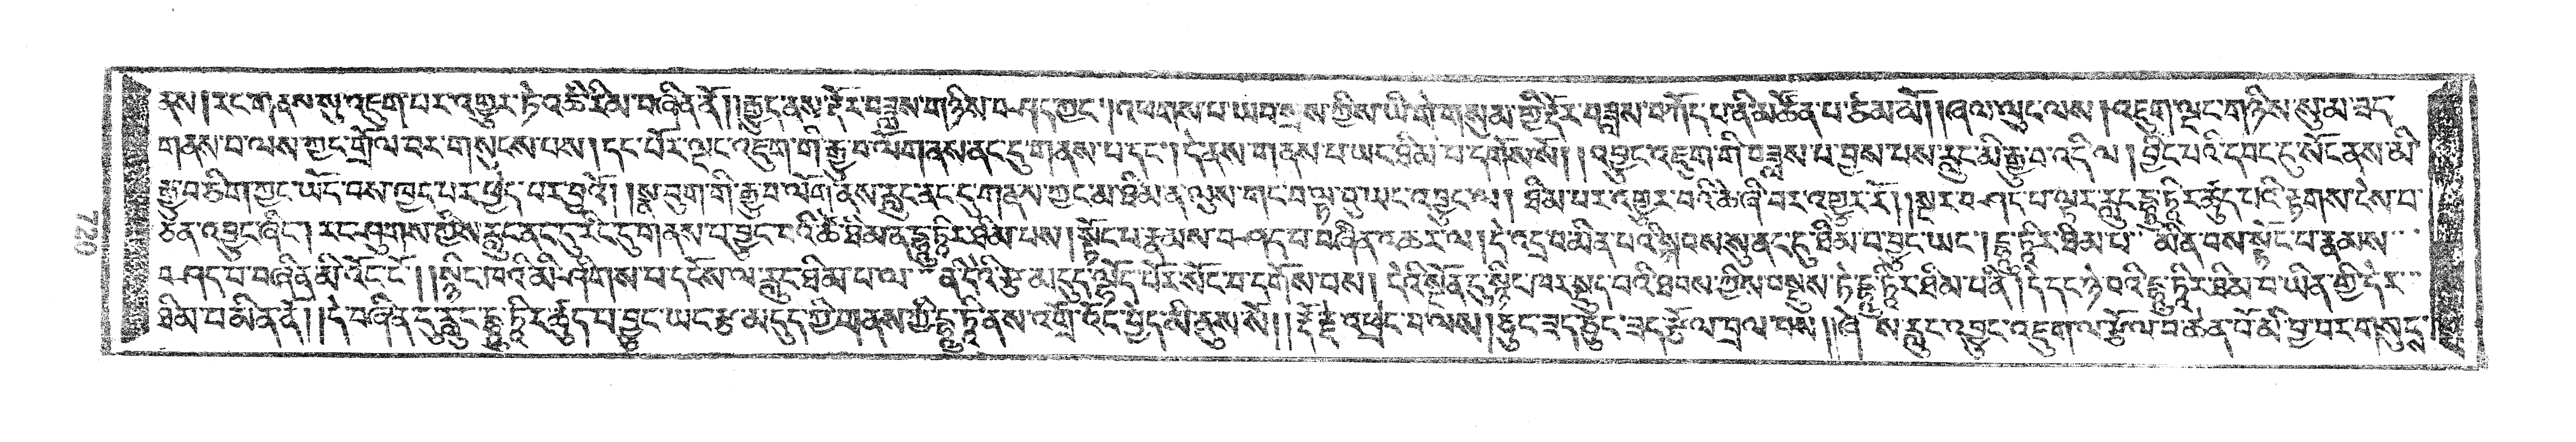ནས། རང་གནས་སུ་འཇུག་པར་འགྱུར་ཏེ་འཆི་རིམ་བཞིན་ནོ། །རྒྱུད་ནས་རྡོར་བཟླས་གཉིས་བཤད་ཀྱང་། འཕགས་པ་ཡབ་སྲས་ཀྱིས་ཡི་གེ་གསུམ་གྱི་རྡོར་བཟླས་བཀོད་པ་ནི་མཚོན་པ་ཙམ་མོ། །ཞལ་ལུང་ལས། འཇུག་ལྡང་གཉིས་སུ་མ་ཟད་
གནས་པ་ལས་ཀྱང་གྲོལ་བར་གསུངས་པས། དང་པོར་ལྡང་འཇུག་གི་རྒྱུ་བ་ལོག་ནས་ནང་དུ་གནས་པ་དང་། དེ་ནས་གནས་པ་ཡང་ཐིམ་པ་དགོས་སོ། །འབྱུང་འཇུག་གི་བཟླས་པ་བྱས་པས་རླུང་མི་རྒྱུ་བ་འདི་ལ། བྱིང་བའི་དབང་དུ་སོང་ནས་མི་
རྒྱུ་བ་ཅིག་ཀྱང་ཡོད་པས་ཁྱད་པར་ཕྱེད་པར་བྱའོ། །སྣ་བུག་གི་རྒྱུ་བ་ལོག་ནས་རླུང་ནང་དུ་གནས་ཀྱང་མ་ཐིམ་ན་ལུས་གང་བ་ལྟ་བུ་ཡང་འབྱུང་ལ། ཐིམ་པར་འགྱུར་བའི་ཆེ་ཞི་བར་འགྱུར་རོ། །སྔར་བཤད་པ་ལྟར་རླུང་དྷཱུ་ཏཱིར་ཚུད་པའི་རྟགས་ངེས་པ་
ཅན་འབྱུང་ཞིང་། རང་ཤུགས་ཀྱིས་རླུང་ནང་དུ་རིང་དུ་གནས་པ་བྱུང་བའི་ཚེ་ཐིམ་ན་དྷཱུ་ཏཱིར་ཐིམ་པས། སྟོང་པ་རྣམས་བཤད་པ་བཞིན་འཆར་ལ། དེ་འདྲ་བ་མིན་པའི་སྐབས་སུ་ནང་དུ་ཐིམ་པ་བྱུང་ཡང་། དྷཱུ་ཏཱིར་ཐིམ་པ་མིན་པས་སྟོང་པ་རྣམས་
བཤད་པ་བཞིན་མི་འོང་ངོ། །སྙིང་ཁའི་མི་ཤིགས་པ་དངོས་ལ་རླུང་ཐིམ་པ་ལ་ནི་དེའི་རྩ་མདུད་ལྷོད་པོར་སོང་བ་དགོས་པས། དེའི་སྔོན་དུ་སྙིང་ཁར་སྡུད་པའི་ཐབས་ཀྱིས་བསྡུས་ཏེ་དྷཱུ་ཏཱིར་ཐིམ་པ་ནི། དེ་དང་ཉེ་བའི་དྷཱུ་ཏཱིར་ཐིམ་པ་ཡིན་གྱི་དེར་
ཐིམ་པ་མིན་ནོ། །དེ་བཞིན་དུ་རླུང་དྷཱུ་ཏཱིར་ཚུད་པ་བྱུང་ཡང་རྩ་མདུད་ཀྱི་གནས་ཀྱི་དྷཱུ་ཏཱི་ནས་འགྲོ་འོང་བྱེད་མི་ནུས་སོ། །རྡོ་རྗེ་འཕྲེང་བ་ལས། ཅུང་ཟད་ཅུང་ཟད་རྩོལ་བྲལ་བས། །ཞེས་རླུང་འབྱུང་འཇུག་ལ་རྩོལ་བ་ཆེན་པོ་མི་བྱ་བར་གསུངས་